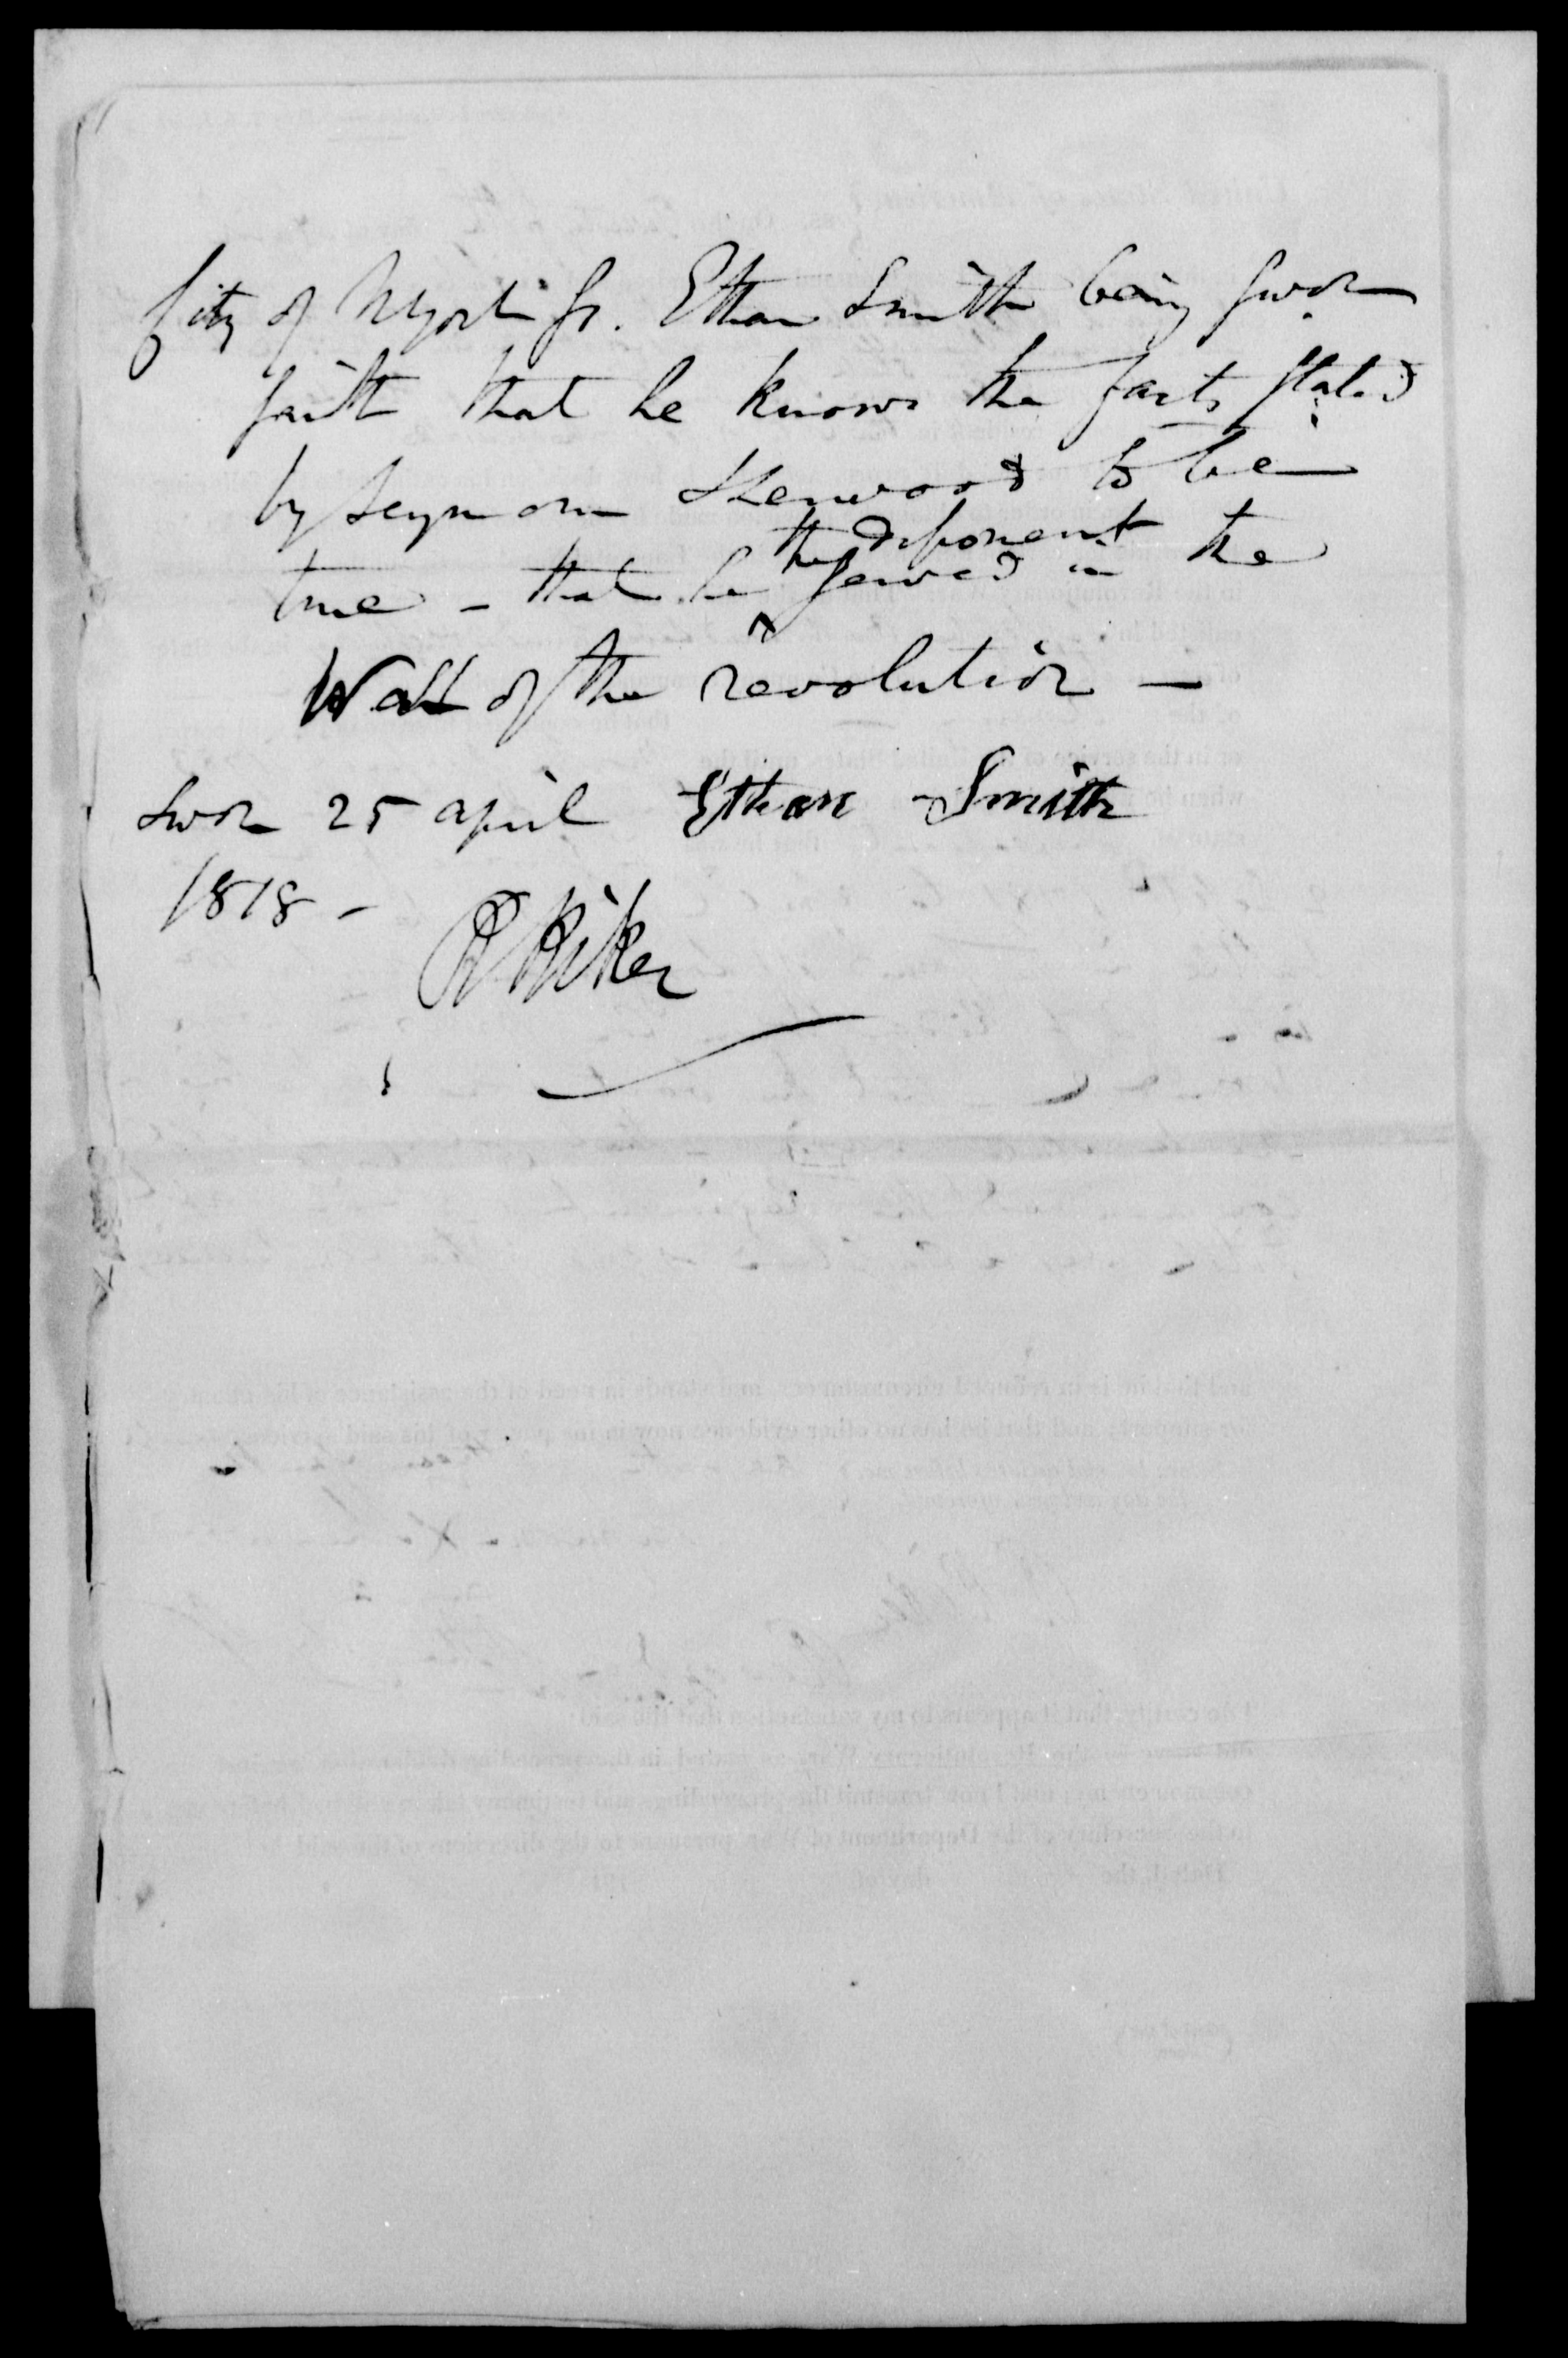City of New York Ethan Smith being sworn saith that he knows the facts stated by Seymour Sherwood to be true - that he the deponent served in the War of the Revolution - 

Ethan Smith

Sworn 25 April 
1818

R. Riker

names: Ethan Smith; R Riker; Seymour Sherwood; Ethan Smith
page: 19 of 30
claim: survivor's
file: S. 42289, for Seymore Sherwood, Connecticut